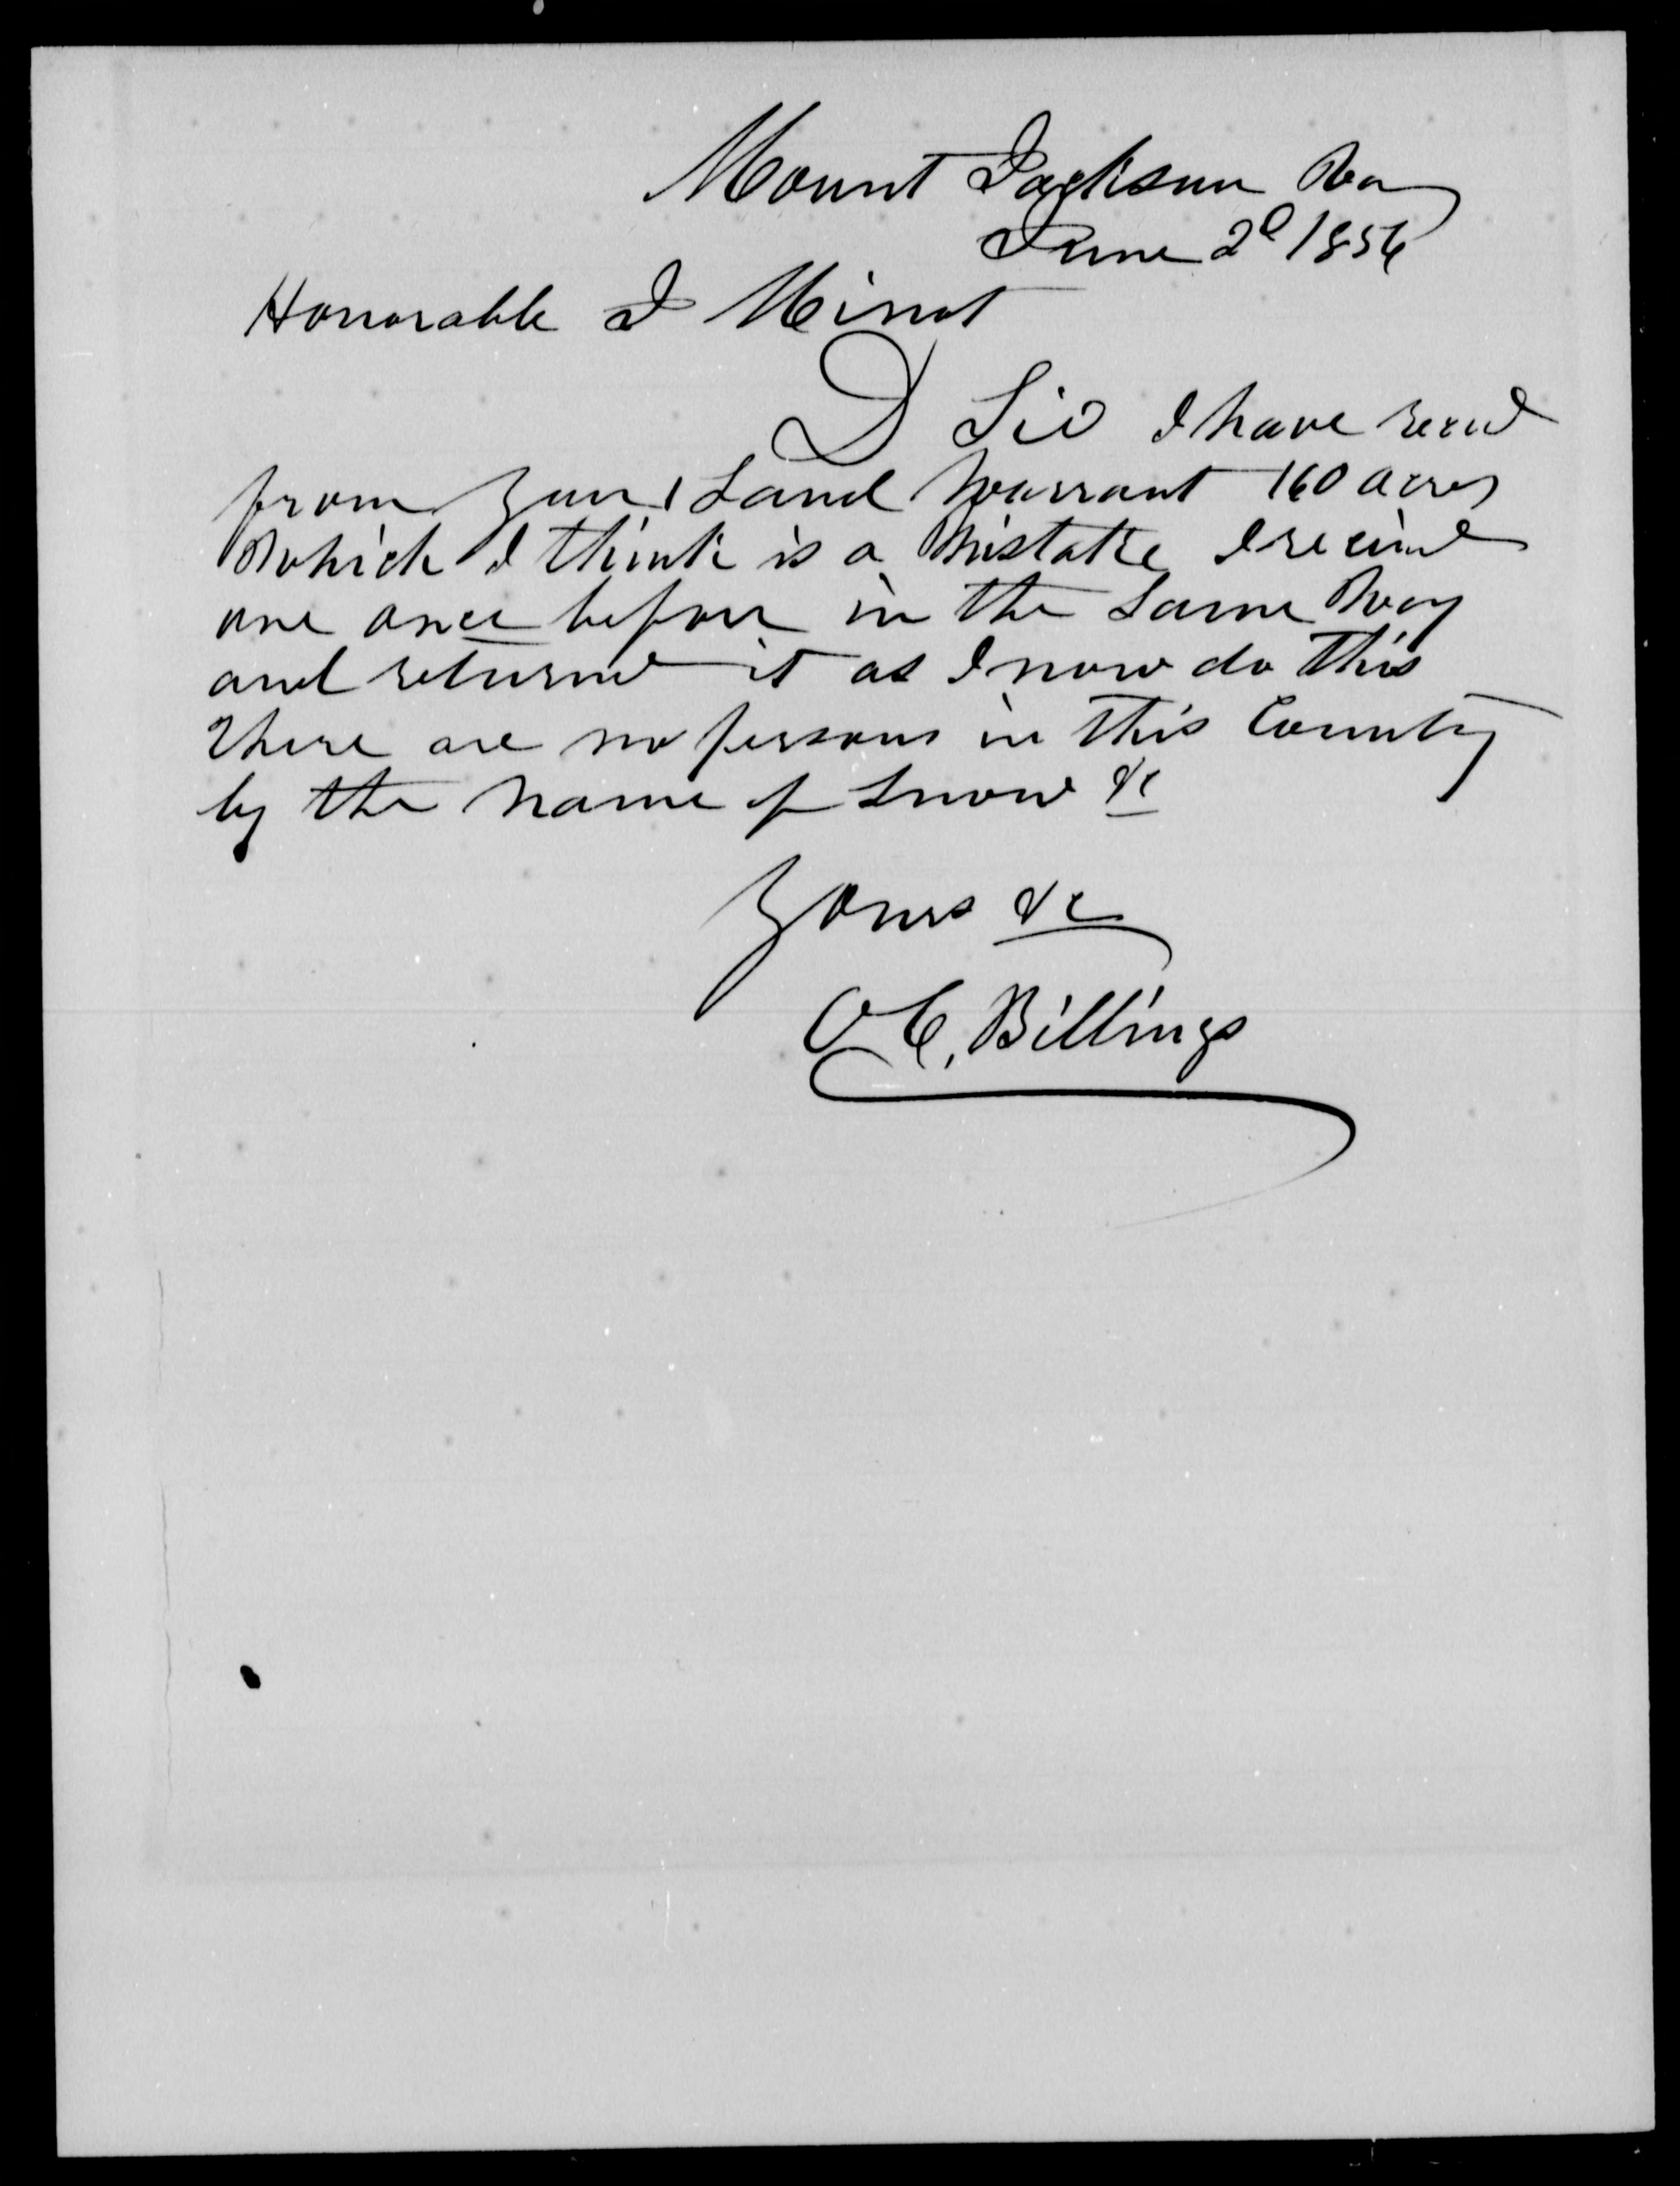Mount [?]
June 20 1856

Honorable J. Minot

[?] I have heard from June Land [?] 160 acres which I think is a mistake [x] once before in the same [x] and retuned iss as I now do this where are [x] in this county by the name of L Snow.
[Salutation],
O. Billings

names: Ole Billings; [BLANK] Snow; J Minot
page: 43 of 46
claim: widow's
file: W. 504, for Abraham Snow, Connecticut